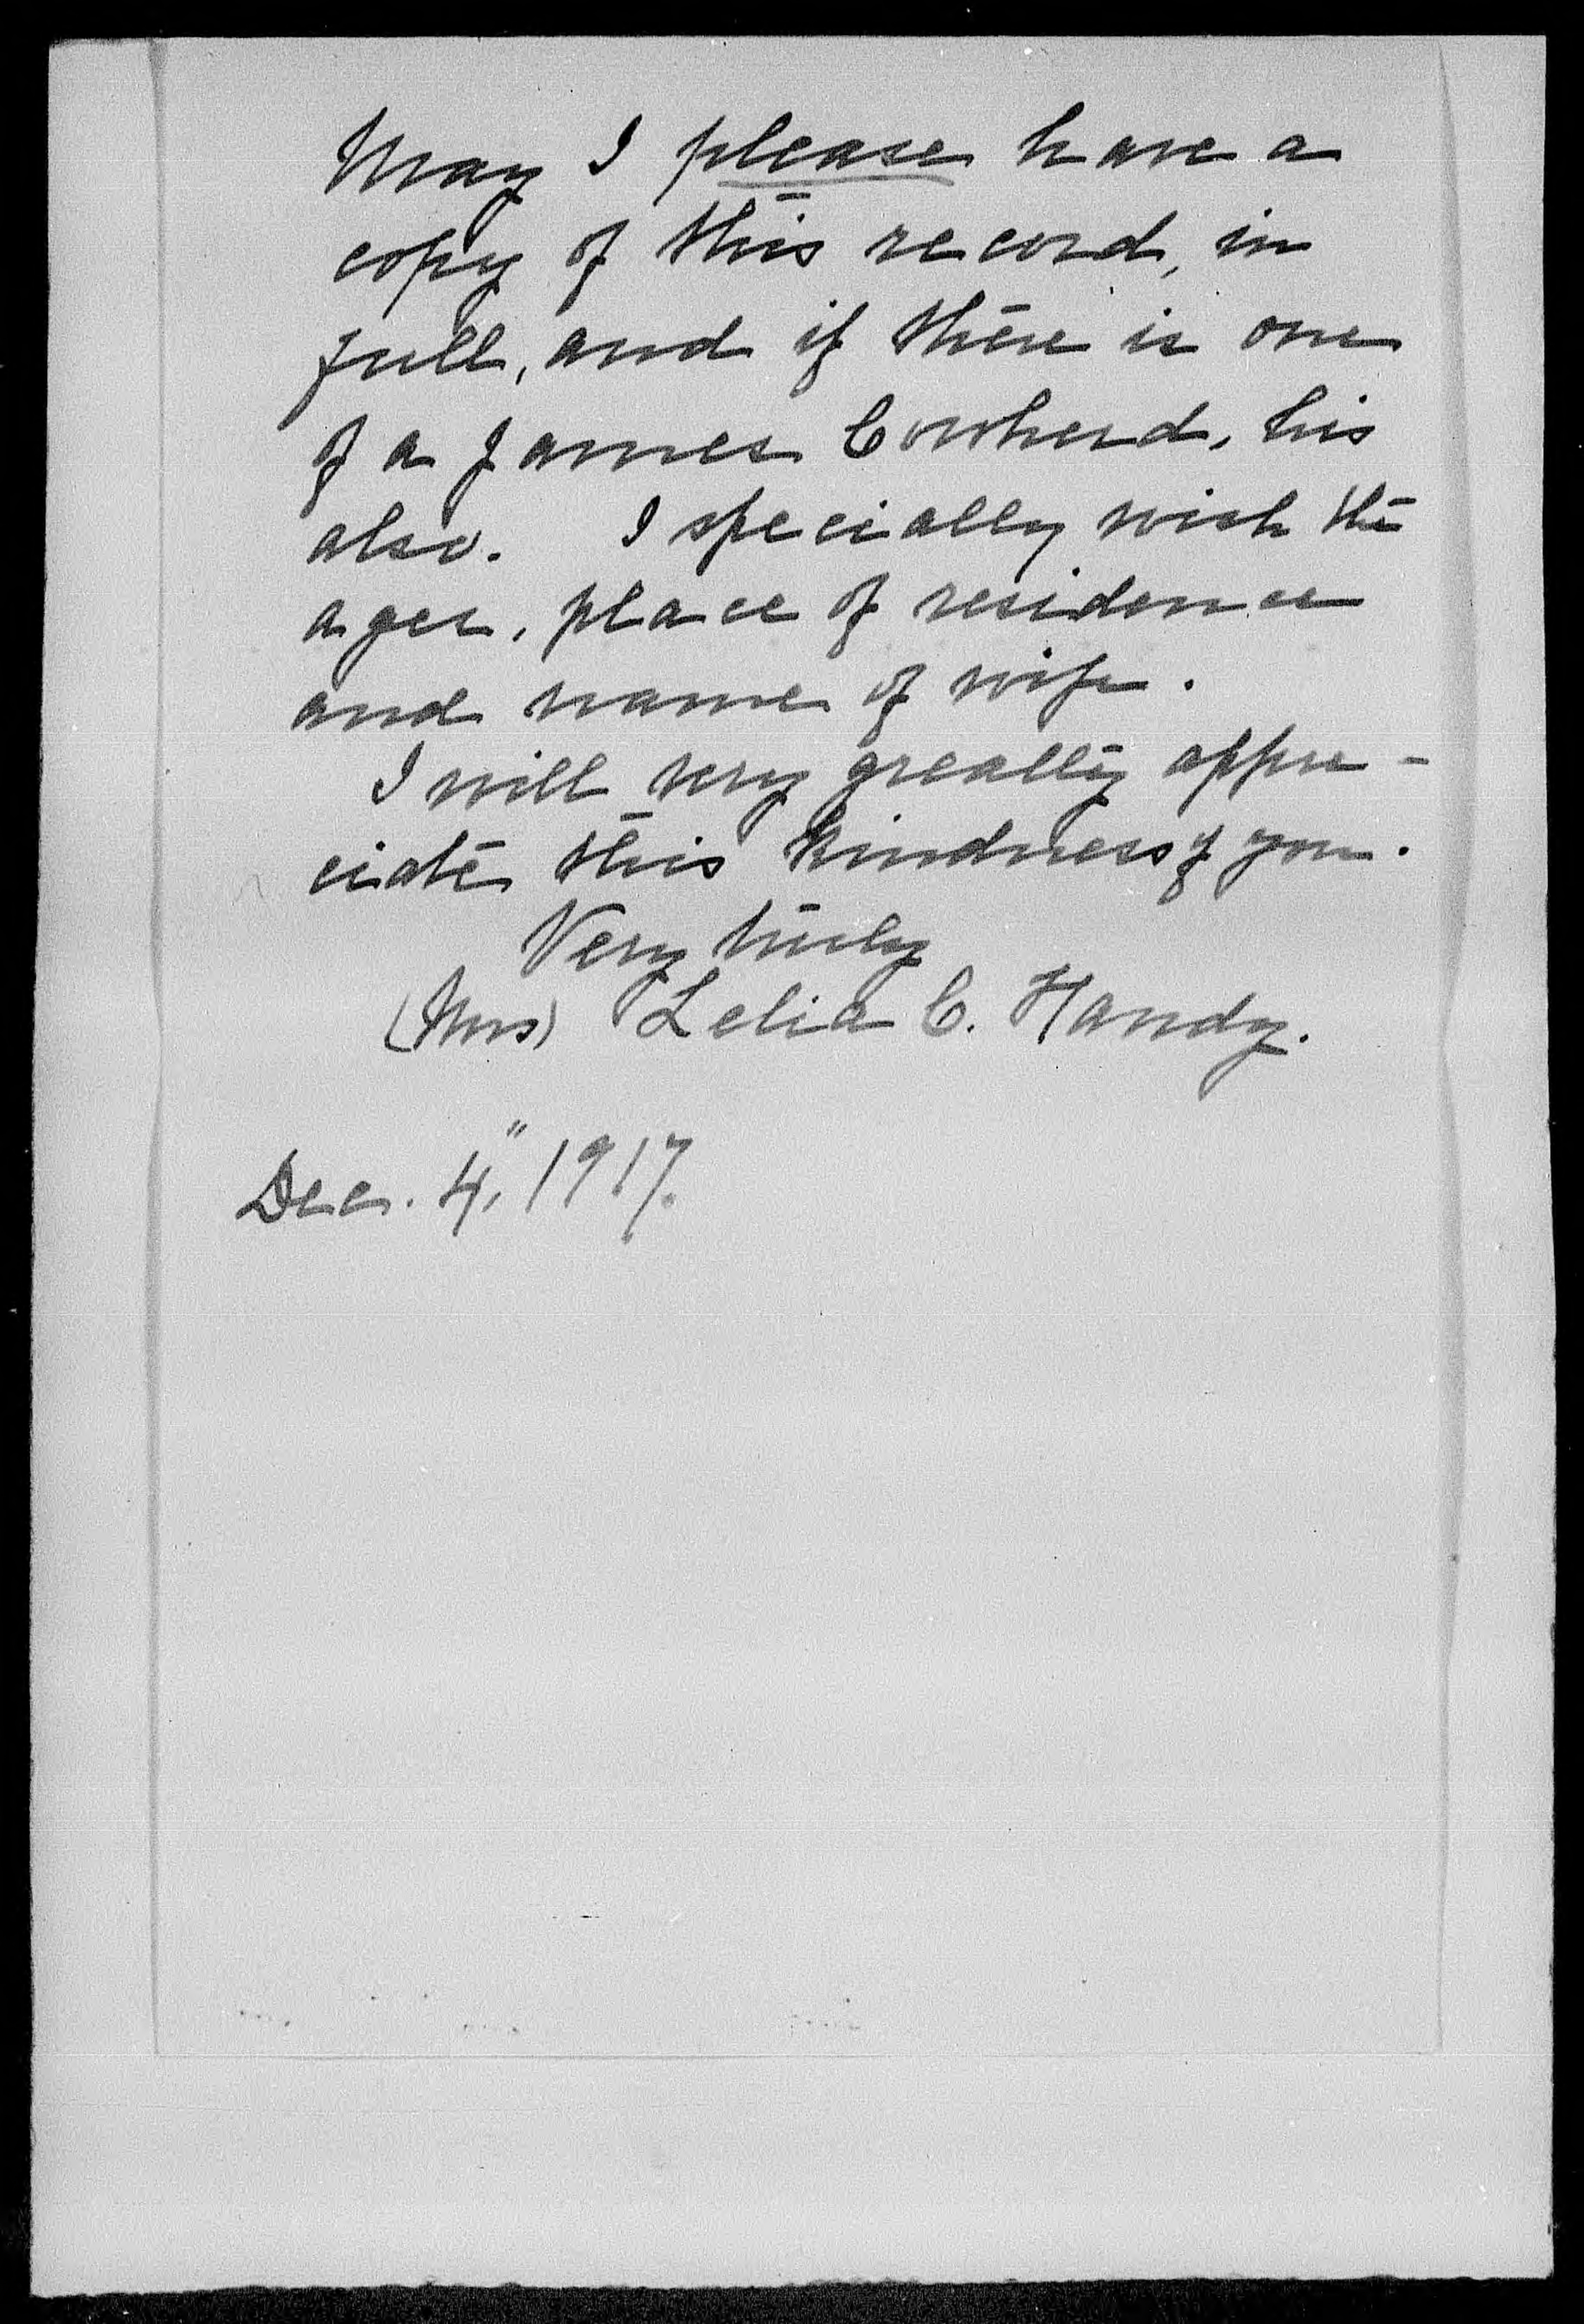May I please have a copy of this record, in
full, and if there is one of a
James Cowherd, his
also. 
I specially wish the
ages, place of residence
and name of wife.
I will my greatly appreciate
this kindness of you.
Very truly
(Mrs)
Lelia C. Handy
Dec. 4, 1917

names: James Cowherd, Lelia C Handy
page: 42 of 46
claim: widow's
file: W 8619, Jonathan Cowherd, Va.